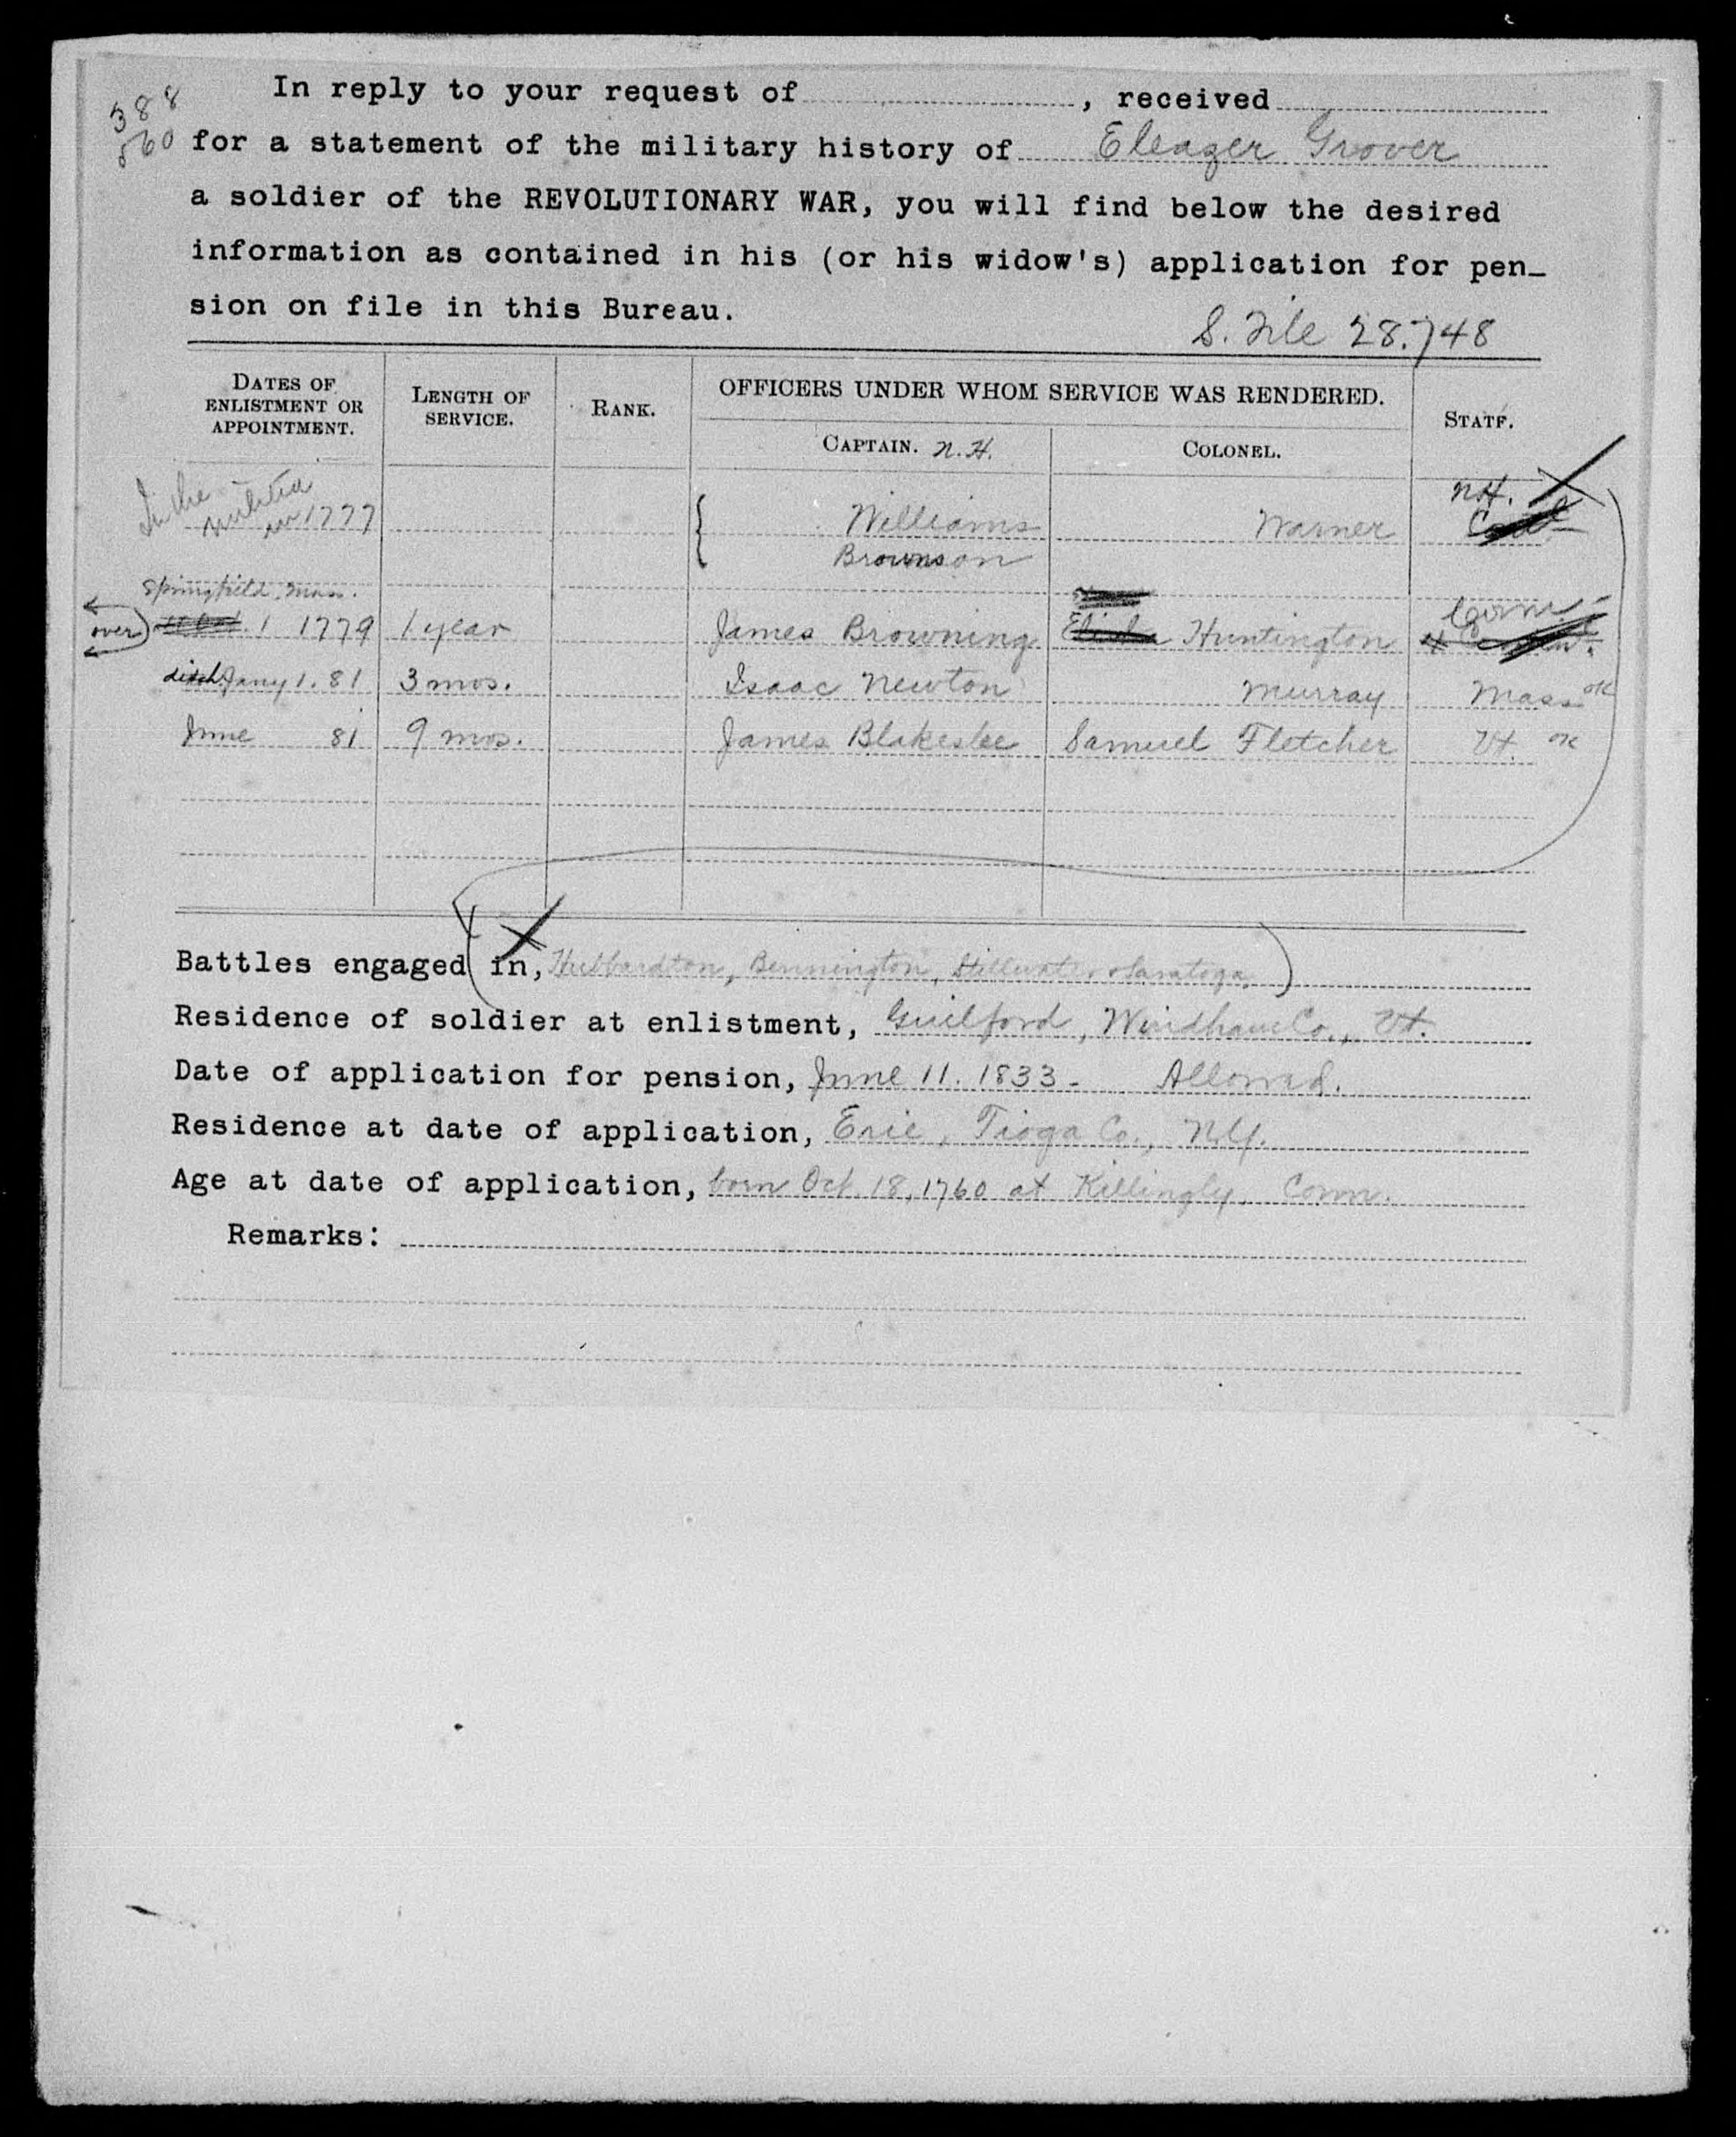In reply to your request of [blank], received [blank] for a statement of the military history of Eleazer Grover a soldier of the REVOLUTIONARY WAR, you will find below the desired information as contained in his (or his widow's) application for pension on file in this Bureau. S. File 28.748
[column headings: DATES OF ENLISTMENT OR APPOINTMENT.|LENGTH OF SERVICE.|RANK.|OFFICERS UNDER WHOM SERVICE WAS RENDERED.(CAPTAIN N.H.|COLONEL.)|STATE.|]
In the militia in 1777|[blank]|[blank]|{Williams Brownson|Warner)|['Contl' crossed out] NH.*|
[margin note: over] ['in Oct.' crossed out] Springfield, Mass. 1779|1 year|[blank]|(James Browning|['Elisha' crossed out] Huntington)|['x Contint' crossed out] Conn.|
disch Jany 1, 81|3 mos.|[blank]|(Isaac Newton|Murray)|Mass ok|
June 81|9 mos.|[blank]|(James Blakeslee|Samuel Fletcher)|Vt ok|
[end of columns]
Battles engaged in, (*Hubbardton, Bennington, Stillwater, Saratoga.)
Residence of soldier at enlistment, Guilford, Windham Co., Vt.
Date of application for pension, June 11, 1833. Allowed.
Residence at date of application, Erie, Tioga Co., N.Y.
Age at date of application, born Oct. 18, 1760 at Killingly, Conn.
Remarks: [blank]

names: Brownson, Williams, Murray, James Browning, Eleazer Grover, Isaac Newton, Warner, James Blakeslee, Huntington, Samuel Fletcher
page: 12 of 43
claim: survivor's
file: S. 28748, Eleazer Grover, Continental Mass. Vt.